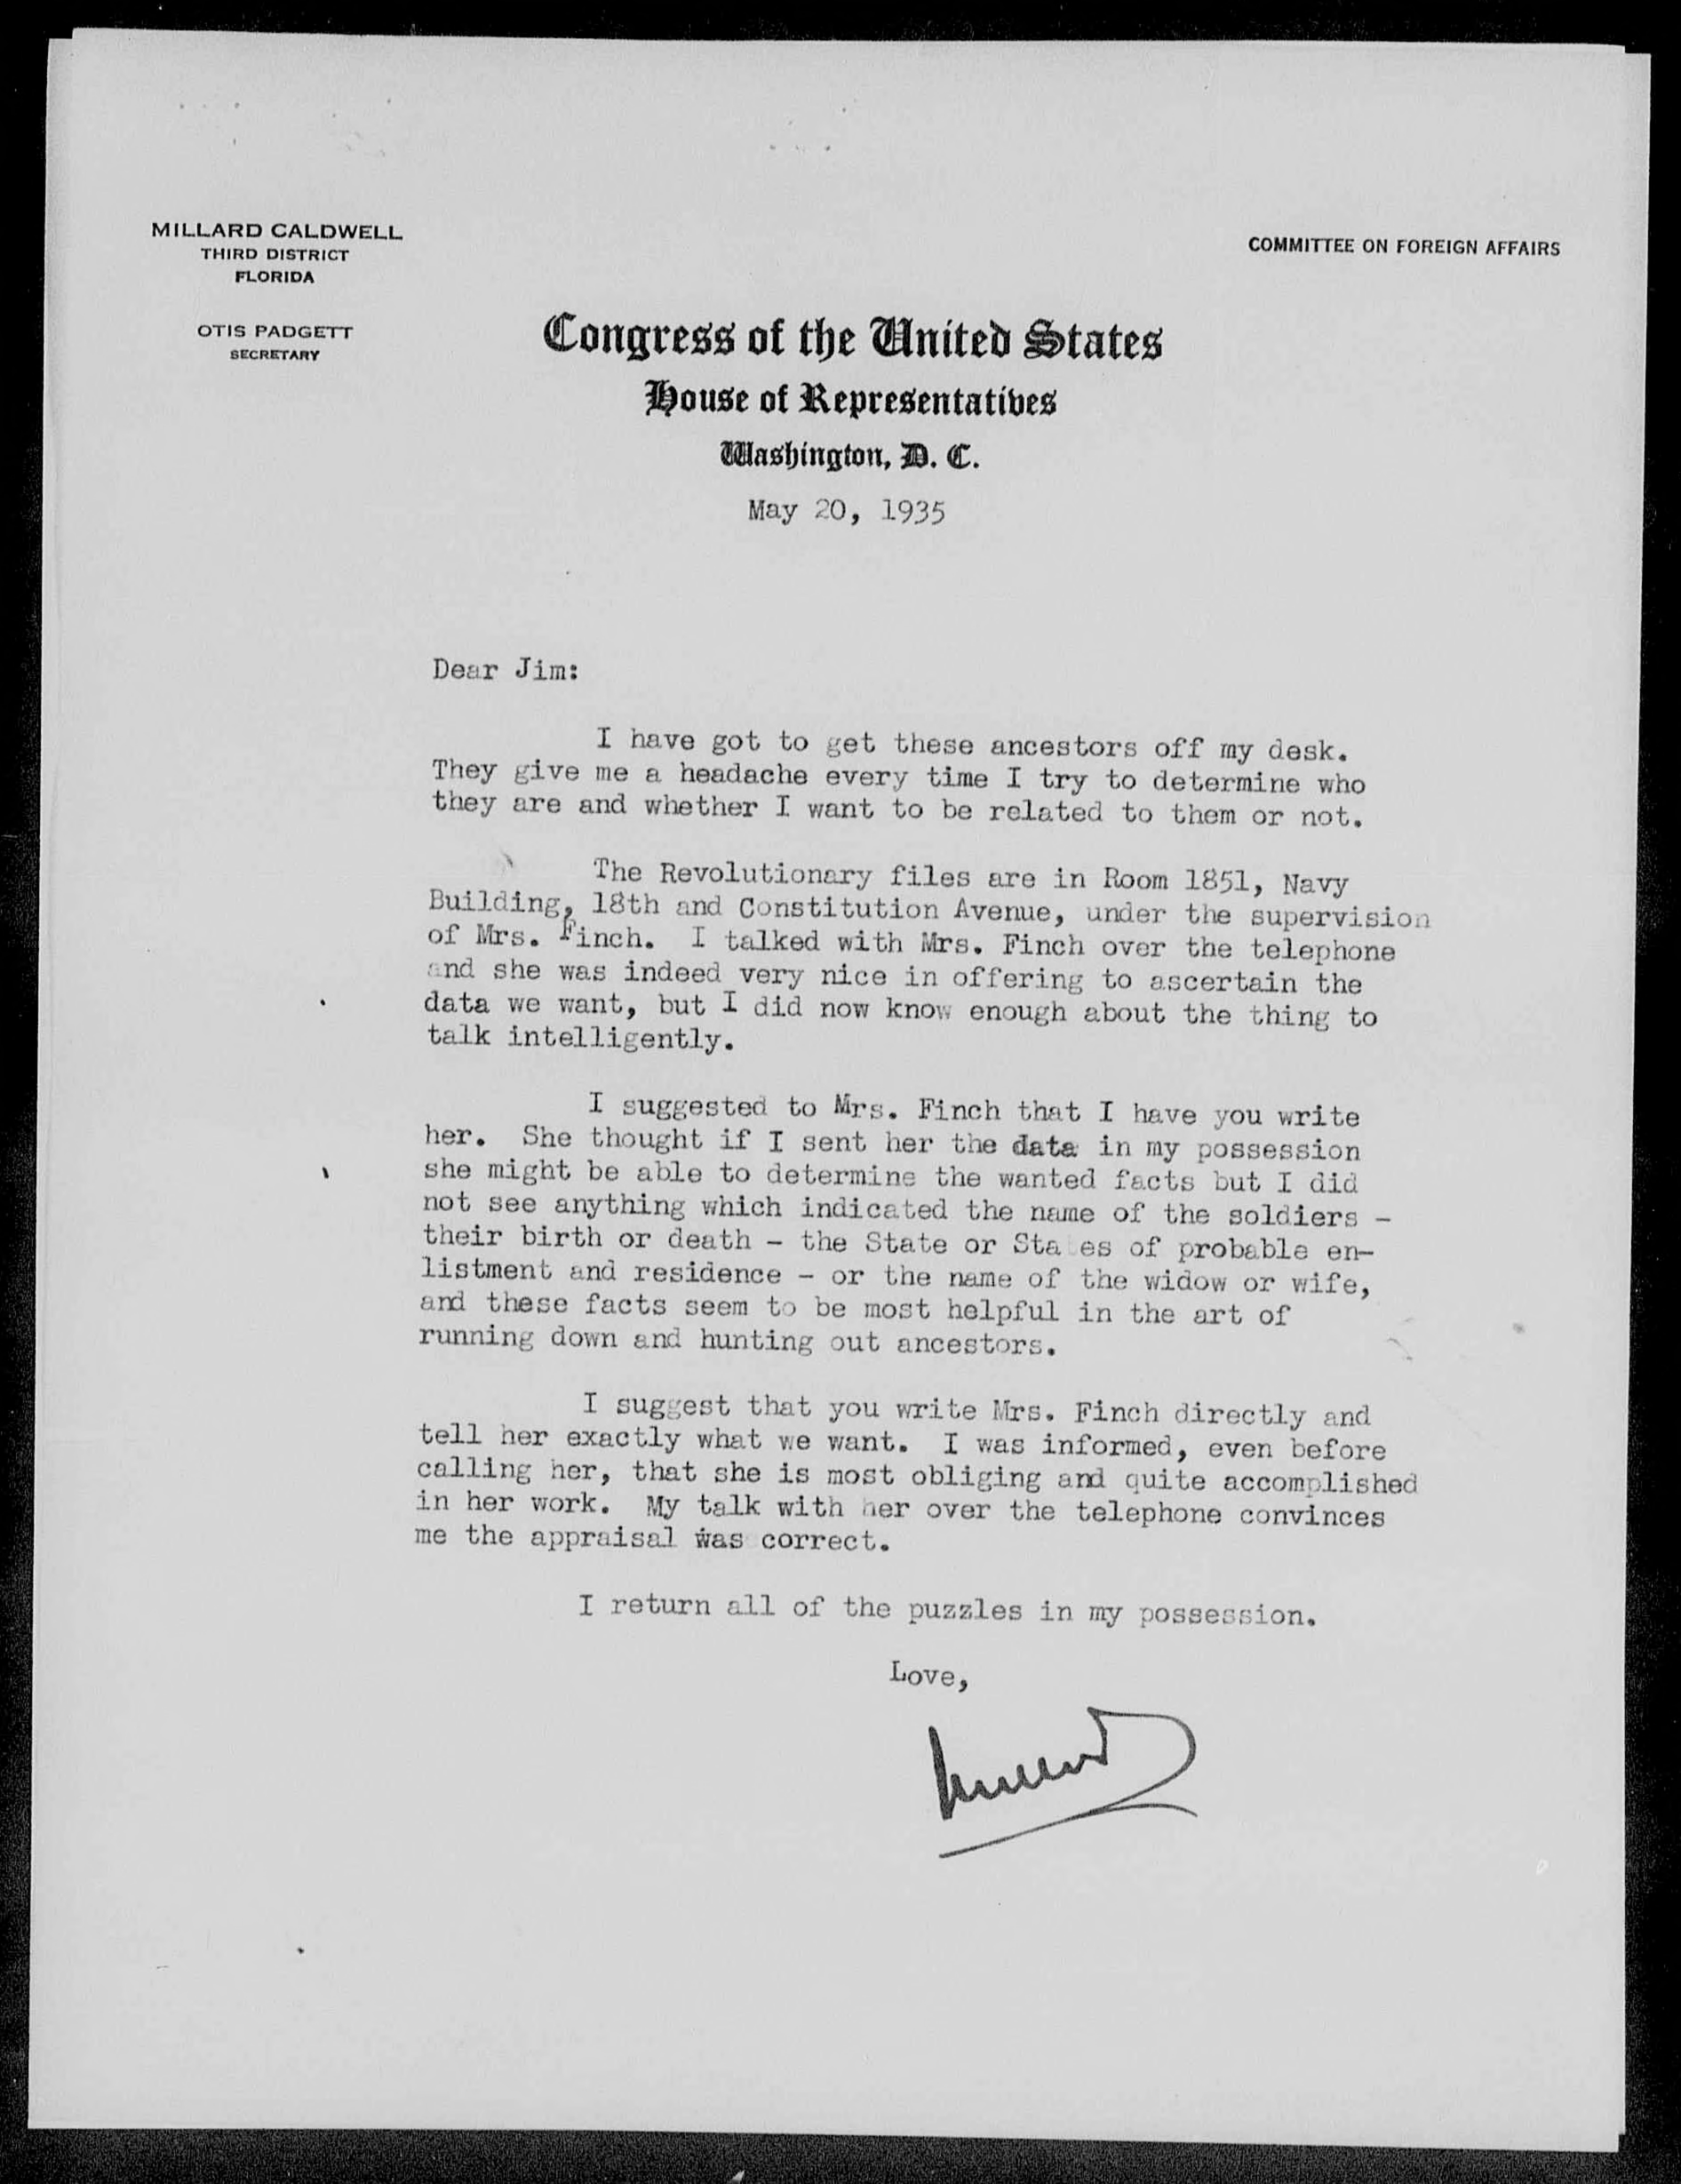MILLARD CALDWELL
THIRD DISTRICT
FLORIDA
OTIS PADGETT
SECRETARY
COMMITTEE ON FOREIGN AFFAIRS
Congress of the United States
House of Representatives
Washington, D. C.
May 20, 1935

Dear Jim:

I have got to get these ancestors off my desk.
They give me a headache every time I try to determine who
they are and whether I want to be related to them or not.

The Revolutionary files are in Room 1851, Navy
Building, 18th and Constitution Avenue, under the supervision
of Mrs. Finch. I talked with Mrs. Finch over the telephone
and she was indeed very nice in offering to ascertain the
data we want, but I did now know enough about the thing to
talk intelligently.

I suggested to Mrs. Finch that I have you write
her. She thought if I sent her the data in my possession
she might be able to determine the wanted facts but I did
not see anything which indicated the name of the soldiers --
their birth or death -- the State or States of probable en-
listment and residence -- or the name of the widow or wife,
and these facts seem to be most helpful in the art of
running down and hunting out ancestors.

I suggest that you write Mrs. Finch directly and
tell her exactly what we want. I was informed, even before
calling her, that she is most obliging and quite accomplished
in her work. My talk with her over the telephone convinces
me the appraisal was correct.

I return all of the puzzles in my possession.

Love,
Millard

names: Finch, Finch, Jim, Millard Caldwell, Finch, Finch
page: 22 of 23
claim: survivor's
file: S. 30,937, Adam Clapp, N.C.